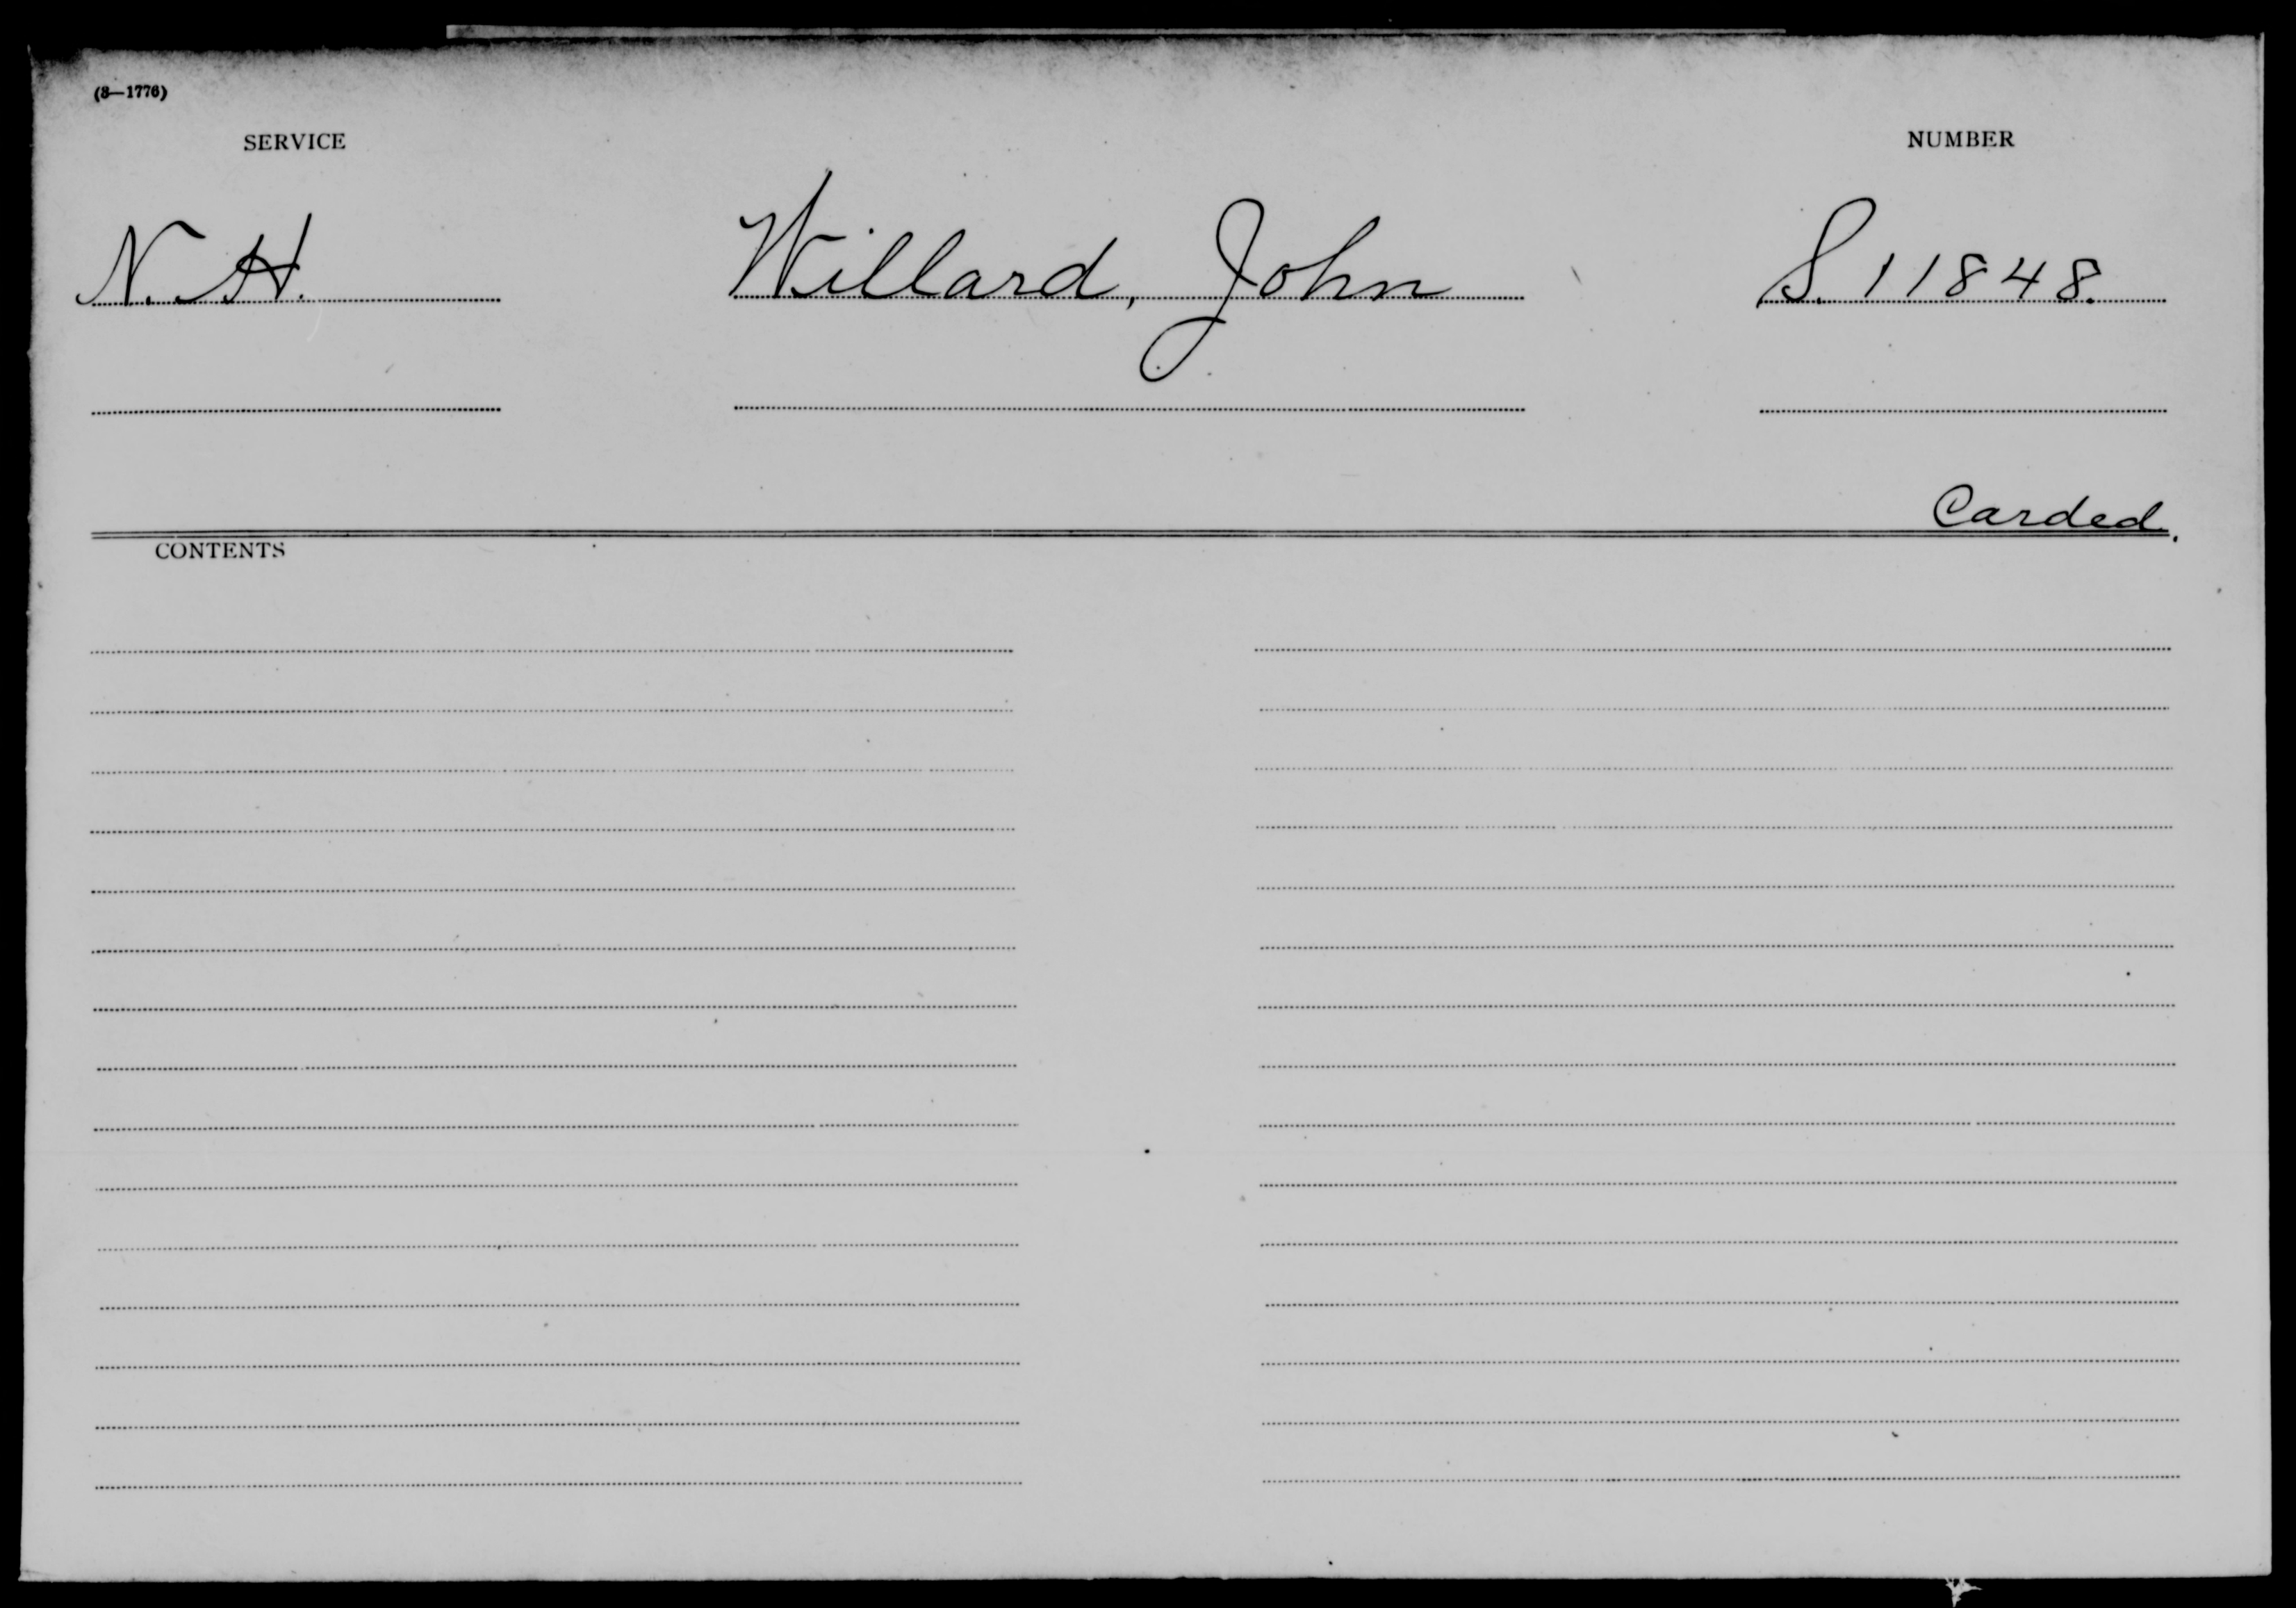(3 - 1776)
SERVICE
H
CONTENTS
recessed
Willard, John
NUMBER
S. 1848
Carded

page: 1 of 18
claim: survivor's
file: S. 11848, John Willard, N. H.